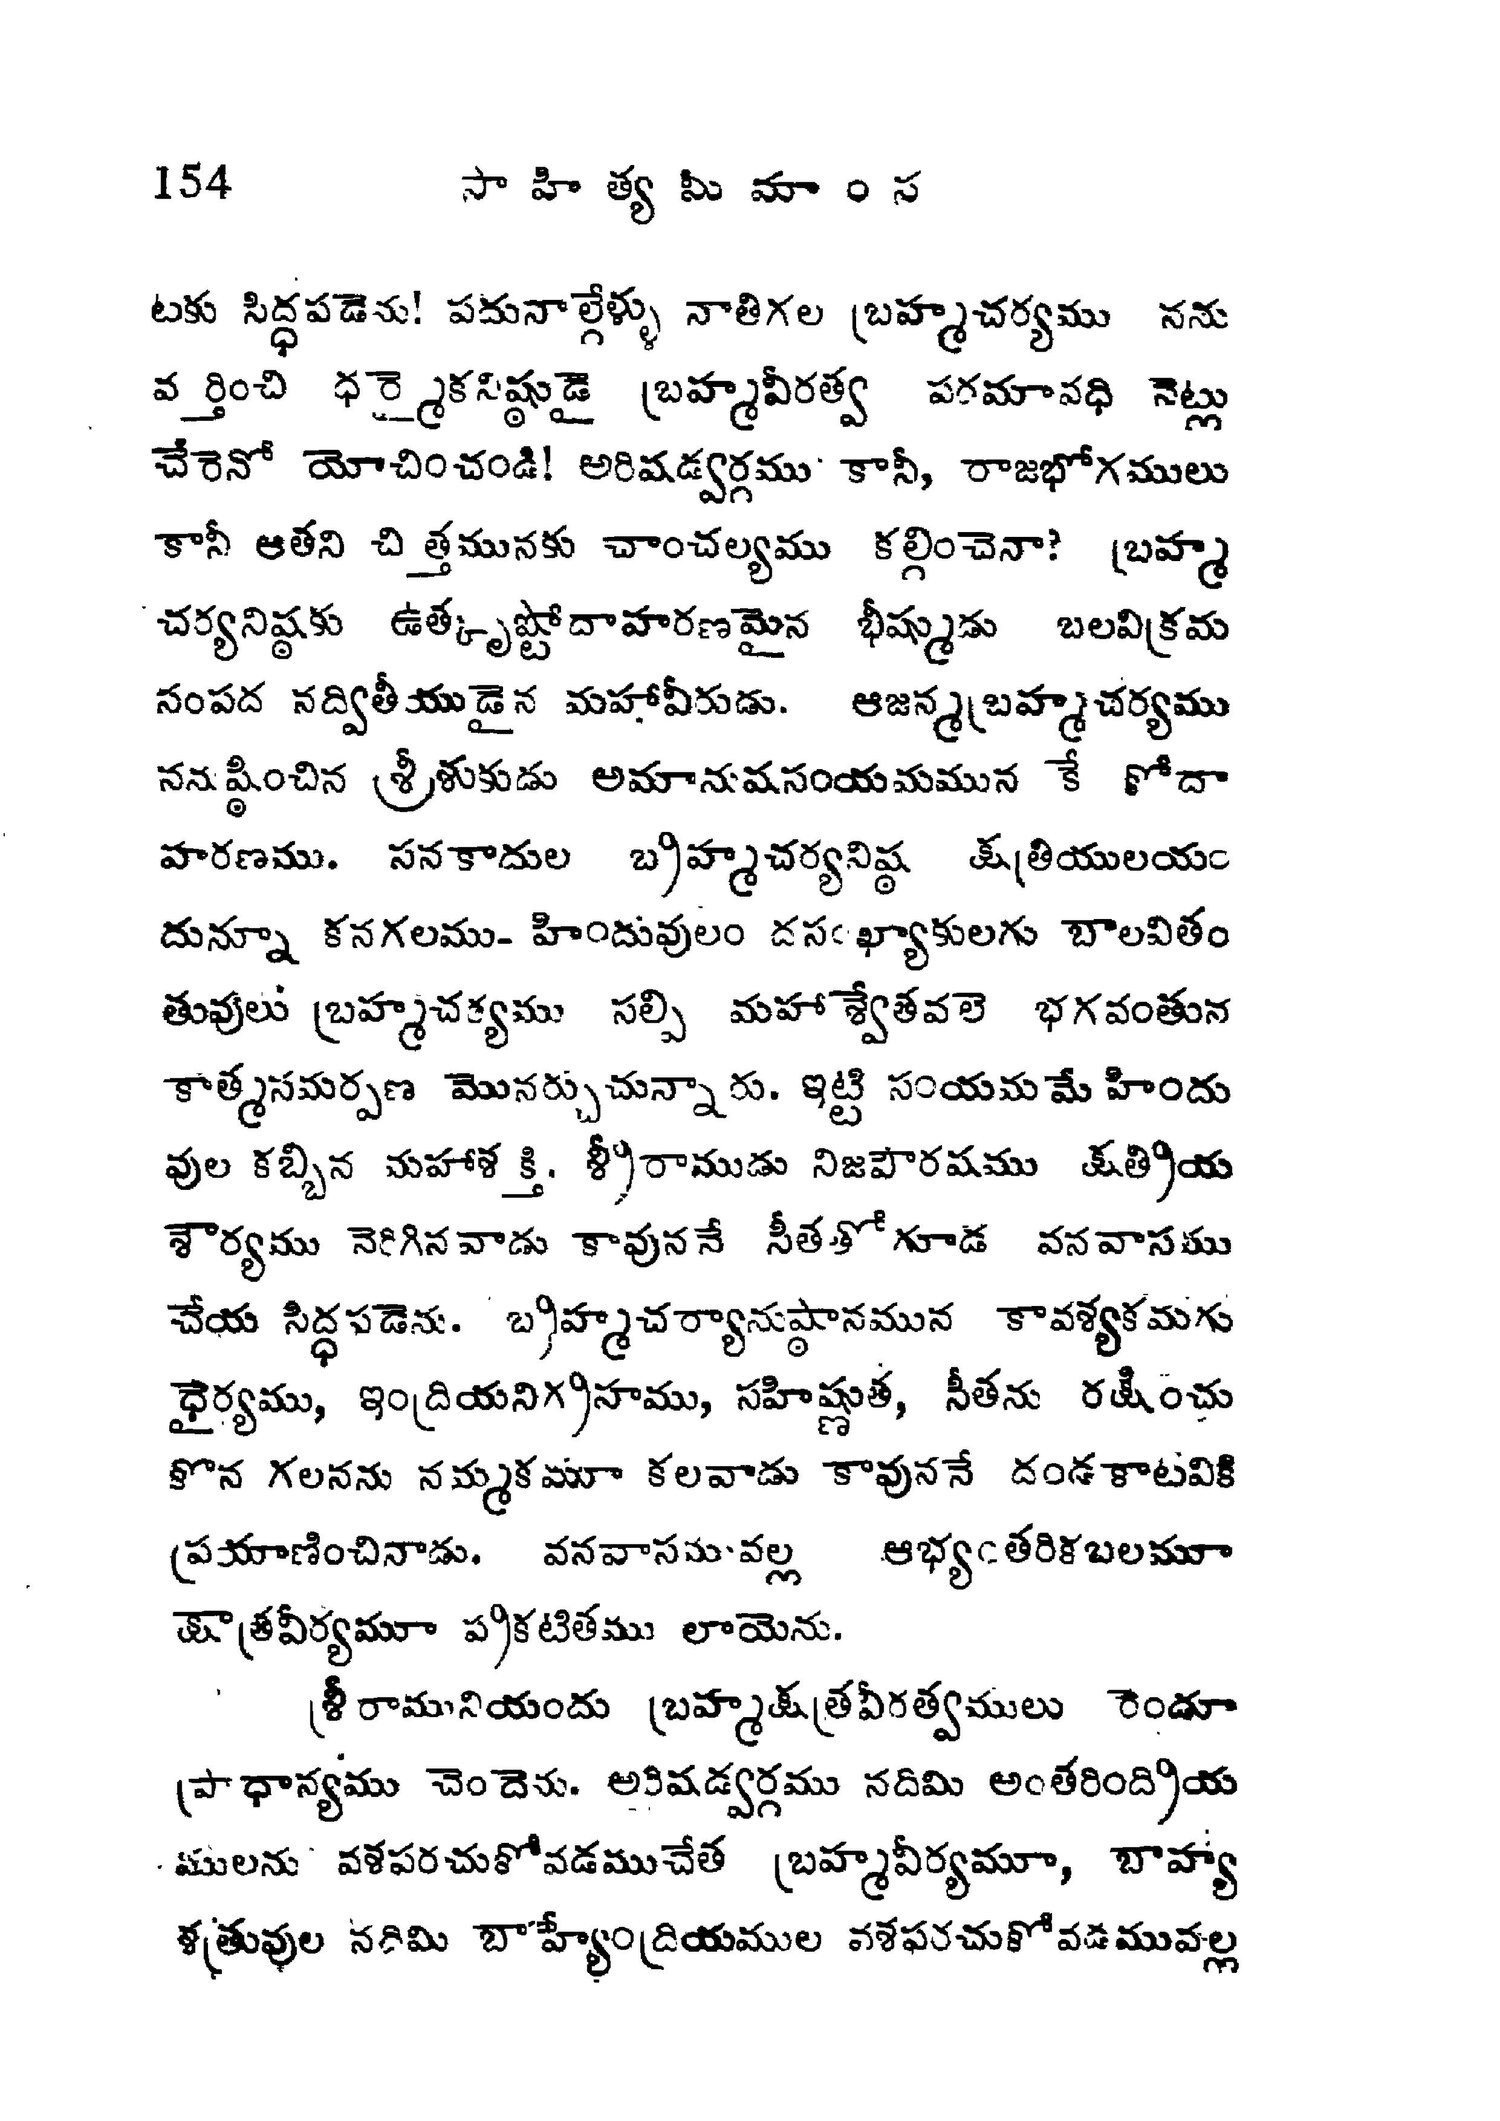టకు సిద్ధపడెను! పదునాల్గేళ్ళు నాతిగల బ్రహ్మచర్యము ననువర్తించి ధర్మైకనిష్ఠుడై బ్రహ్మవీరత్వ పరమావధి నెట్లు చేరెనో యోచించండి! అరిషడ్వర్గము కానీ, రాజభోగములు కానీ ఆతని చిత్తమునకు చాంచల్యము కల్గించెనా? బ్రహ్మచర్యనిష్ఠకు ఉత్కృష్టోదాహరణమైన భీష్ముడు బలవిక్రమ సంపద నద్వితీయుడైన మహావీరుడు. ఆజన్మబ్రహ్మచర్యము ననుష్ఠించిన శ్రీశుకుడు అమానుషసంయమమున కే కోదాహరణము. సనాకాదుల బ్రహ్మచర్యనిష్ఠ క్షత్రియులయందున్నూ కనగలము - హిందువులం దసంఖ్యాకులగు బాలవితంతువులు బ్రహ్మచర్యము సల్పి మహాశ్వేతవలె భగవంతున కాత్మసమర్పణ మొనర్చు చున్నారు. ఇట్టి సంయమమే హిందువుల కబ్బిన మహాశక్తి. శ్రీరాముడు నిజపౌరుషము క్షత్రియ శౌర్యము నెరిగినవాడు కావుననే సీతతోగూడ వనవాసము చేయ సిద్ధపడెను. బ్రహ్మచర్యానుష్ఠానమున కావశ్యకమగు ధైర్యము, ఇంద్రియనిగ్రహము, సహిష్ణుత, సీతను రక్షించుకొన గలనను నమ్మకమూ కలవాడు కావుననే దండ కాటవికి ప్రయాణించినాడు. వనవాసమువల్ల అభ్యంతరికబలమూ క్షాత్రవీర్యమూ ప్రకటితము లాయెను.

శ్రీరామునియందు బ్రహ్మక్షత్రవీరత్వములు రెండూ ప్రాధాన్యము చెందెను. అరిషడ్వర్గము నదిమి అంతరింద్రియములను వశపరచుకోవడముచేత బ్రహ్మవీర్యమూ, బాహ్య శత్రువుల నదిమి బాహ్యేంద్రియముల వశపరచుకోవడమువల్ల